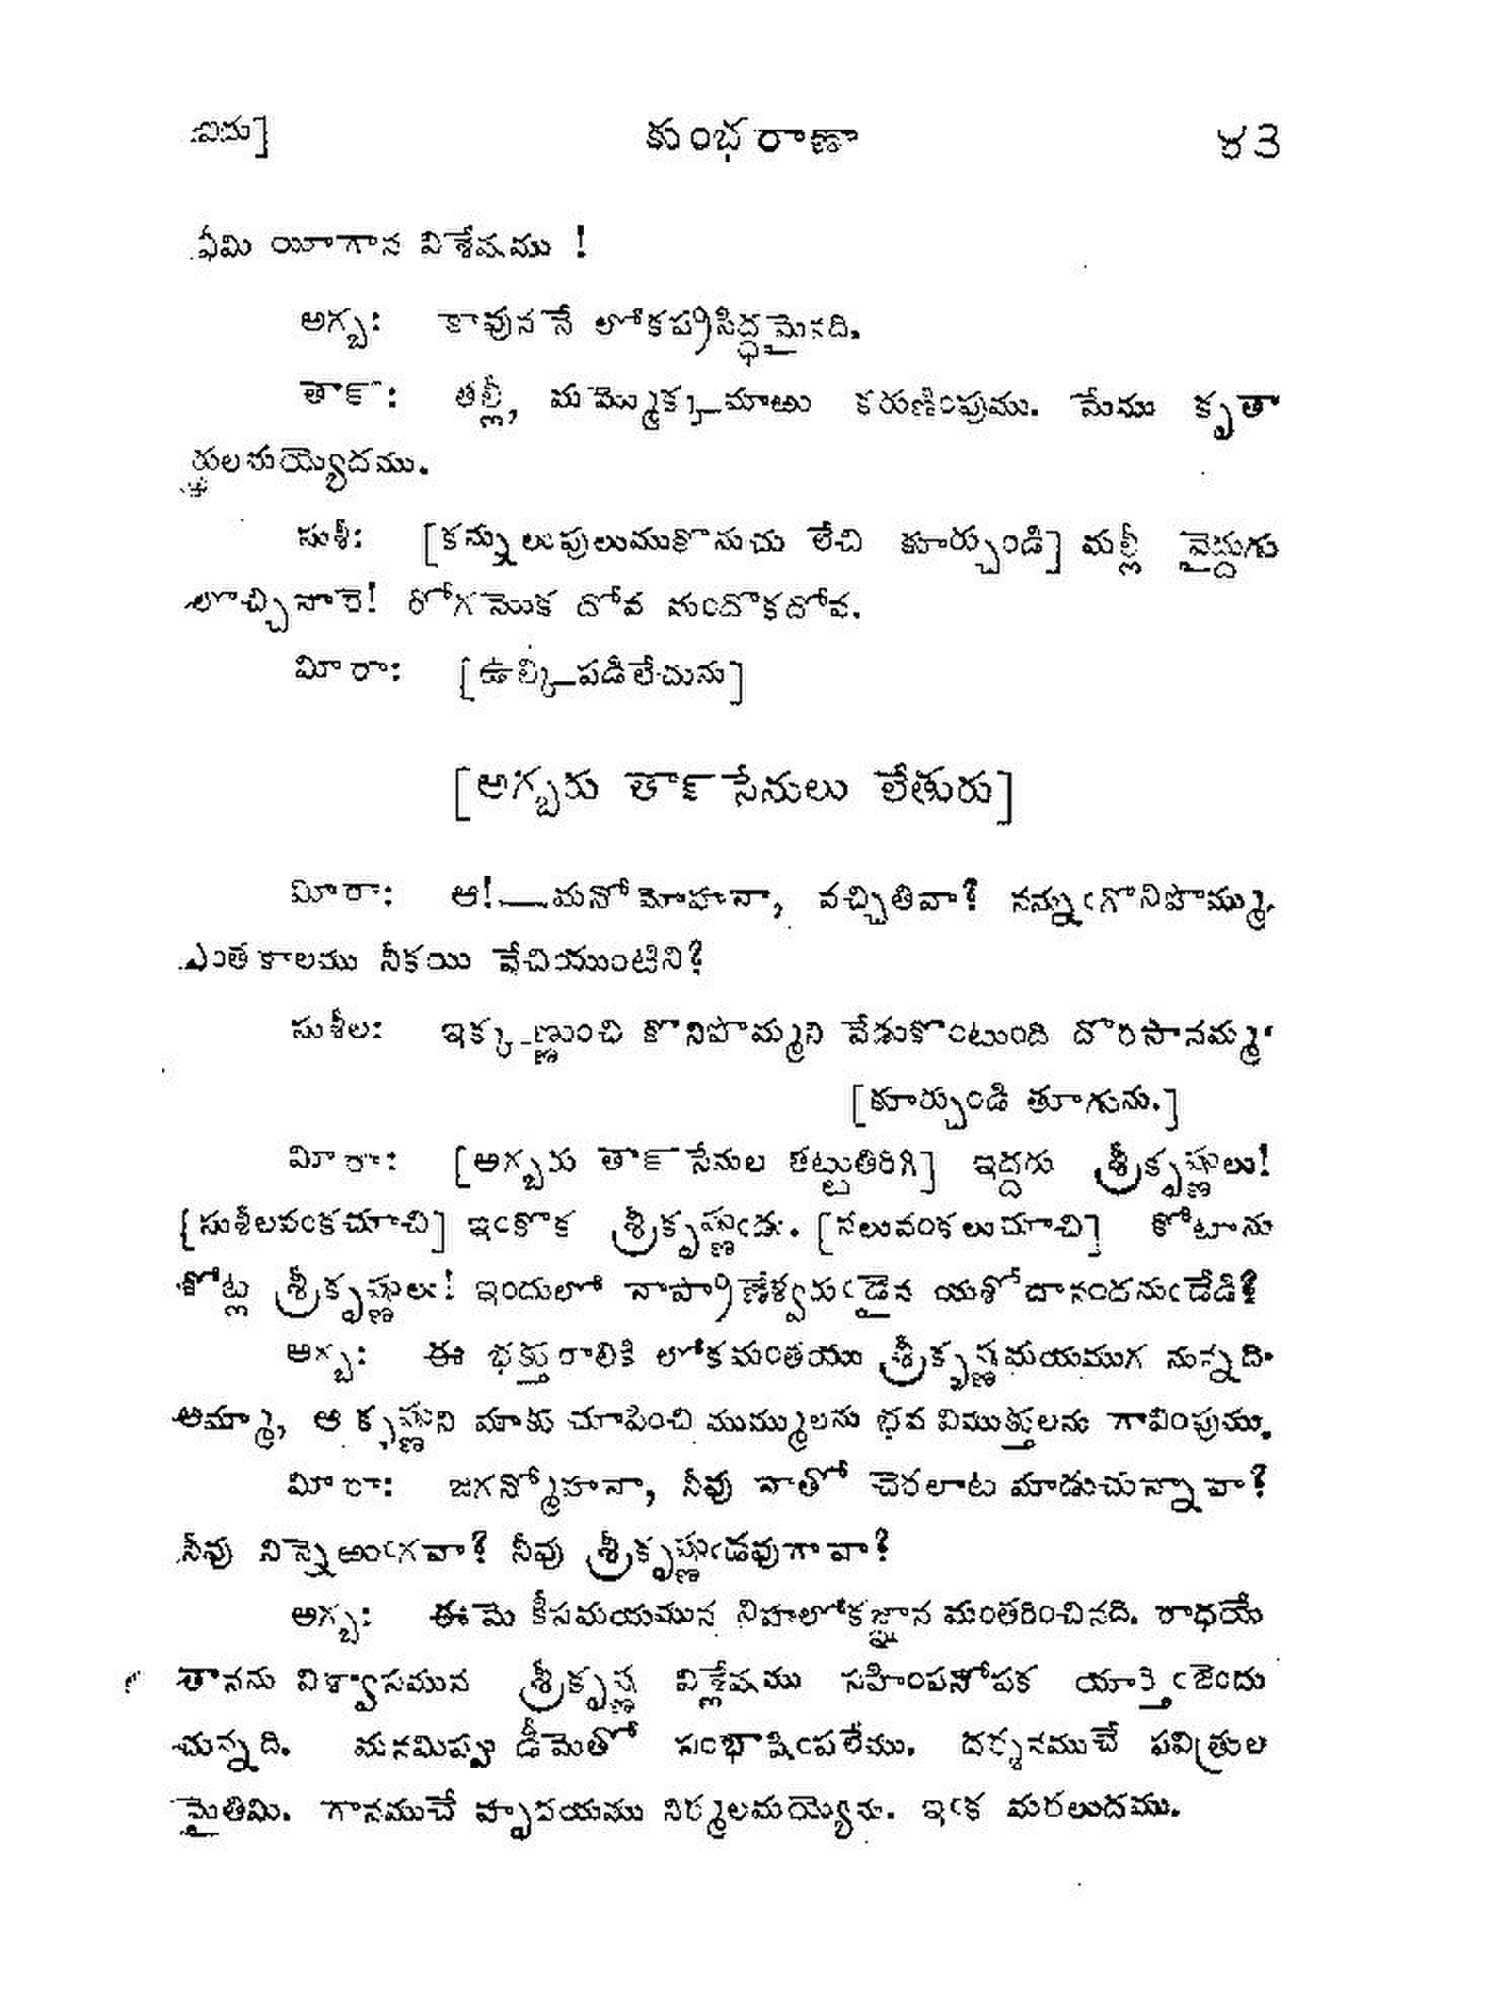ఏమి యీగాన విశేషము !

అగ్బ : కావుననే లోకప్రసిద్ధమైనది.

తాన్ : తల్లీ, మమ్మొక్కమాఱు కరుణింపుము. మేము కృతార్థులమయ్యెదము.

సుశీ : [కన్నులుపులుముకొనుచు లేచి కూర్చుండి] మల్లీ వైద్దుగు లొచ్చినారె ! రోగమొక దోవ మందొకదోవ.

మీరా : [ఉల్కిపడిలేచును]

మీరా : ఆ! - మనోమోహనా, వచ్చితివా ? నన్నుఁగొనిపొమ్ము. ఎంతకాలము నీకయి వేచియుంటిని ?

సుశీల : ఇక్కణ్ణుంచి కొనిపొమ్మని వేడుకొంటుంది దొరసానమ్మ. [కూర్చుండి తూగును.]

మీరా : [అగ్బరు తాన్ సేనులు తట్టుతిరిగి] ఇద్దరు శ్రీకృష్ణులు ! [సుశీలవంకచూచి] ఇంకొక శ్రీకృష్ణుఁడు. [నలువంకలుచూచి] కోటానుకోట్ల శ్రీకృష్ణులు ! ఇందులో నాప్రాణేశ్వరుఁడైన యశోదానందనుఁడేడి?

అగ్బ : ఈ భక్తురాలికి లోకమంతయు శ్రీకృష్ణమయముగ నున్నది. అమ్మా, ఆకృష్ణుని మాకు చూపించి మమ్ములను భవ విముక్తులను గావింపుము.

మీరా : జగన్మోహనా, నీవు నాతో చెరలాట మాడుచున్నావా? నీవు నిన్నెఱుఁగవా? నీవు శ్రీకృష్ణుఁడవుగావా?

అగ్బ : ఈమె కీసమయమున నిహలోకజ్ఞాన మంతరించినది. రాధయే తానను విశ్వాసమున శ్రీకృష్ణ విశ్లేషము సహింపనోపక యార్తిఁజెందు చున్నది. మనమిప్పు డీమెతో సంభాషింపలేము. దర్శనముచే పవిత్రుల మైతీమి. గానముచే హృదయము నిర్మలమయ్యెను. ఇఁక మరలుదము.